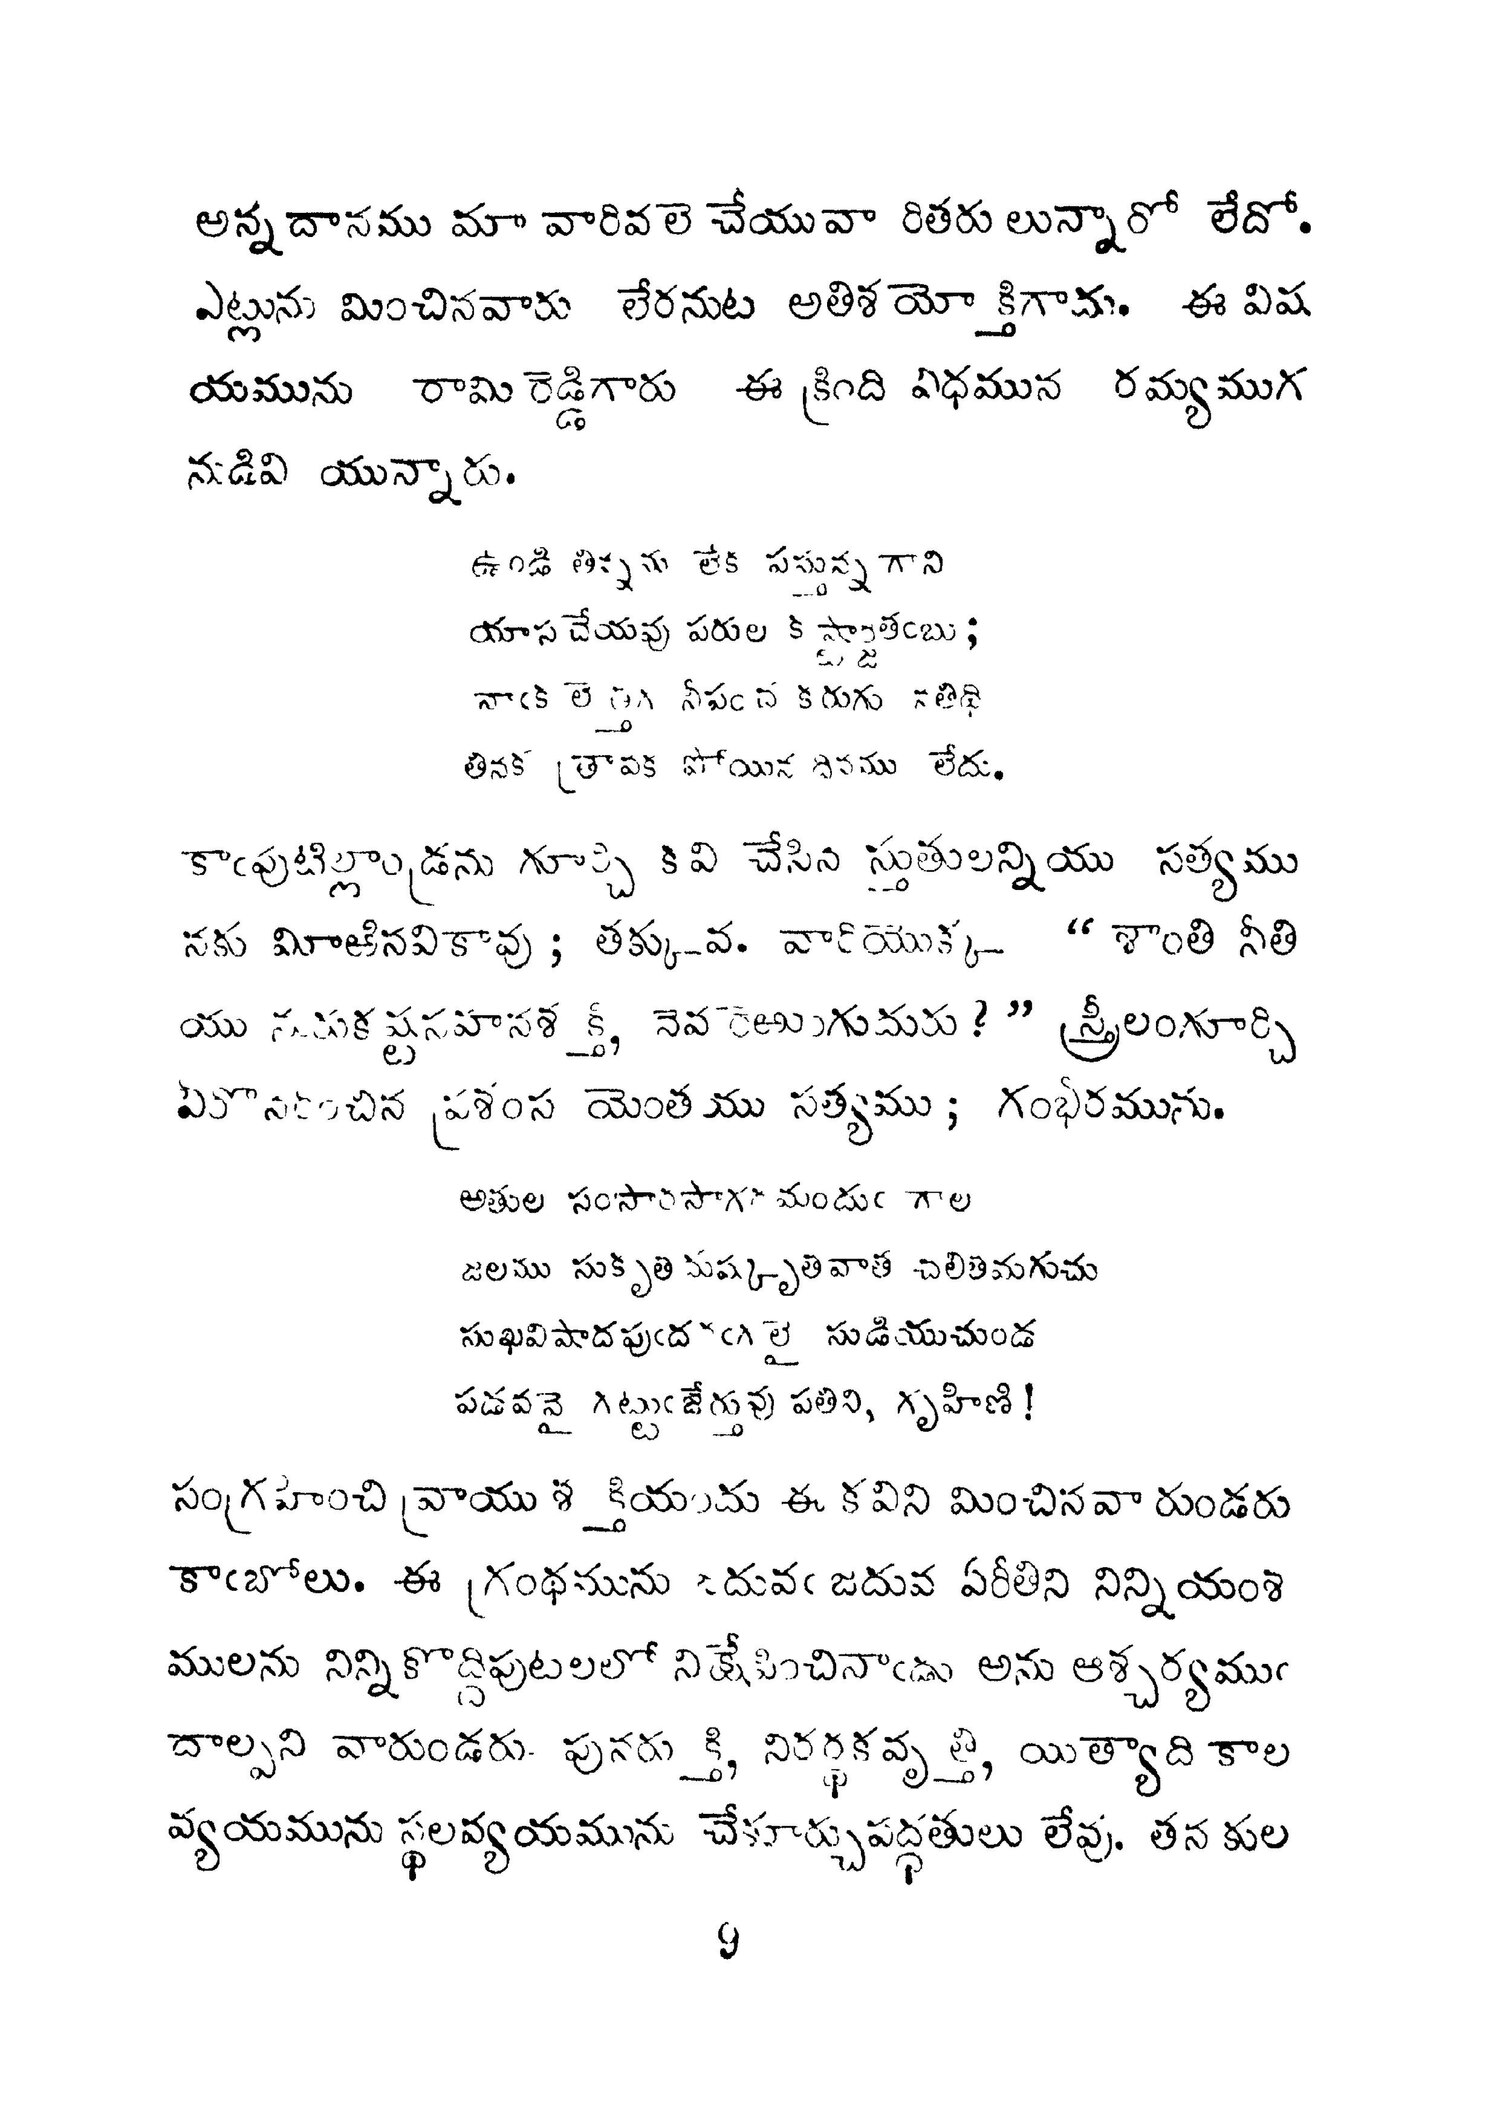అన్నదానము మా వారివలె చేయువా రితరులున్నారో లేదో. ఎట్లును మించినవారు లేరనుట అతిశయోక్తిగాదు. ఈవిషయమున రామిరెడ్డిగారు ఈ క్రింది విధమున రమ్యముగ నుడివి యున్నారు.

కాపుటిల్లాండ్రను గూర్చి కవి చేసిన స్తుతులన్నియు సత్యమునకు మీఱినవి కావు; తక్కువ. వారియొక్క "శాంతి నీతియు నురుకష్టసహనశక్తి, నెవరెఱుంగుదురు?" స్త్రీలంగూర్చి వీరొనరించిన ప్రశంస యెంతయు సత్యము; గంభీరమును.

సంగ్రహించి వ్రాయుశక్తియందు ఈ కవిని మించినవారుండరు కాబోలు, ఈ గ్రంథమును జదువ జదువ ఏరీతిని నిన్నియంశములను నిన్నికొద్దిపుటలలో నిక్షేపించినాడు అను ఆశ్చర్యము దాల్పని వారుండరు. పునరుక్తి, నిరర్థకవృత్తి, యిత్యాది కాలవ్యయమును స్థలవ్యయమును చేకూర్చు పద్ధతులు లేవు. తన కుల